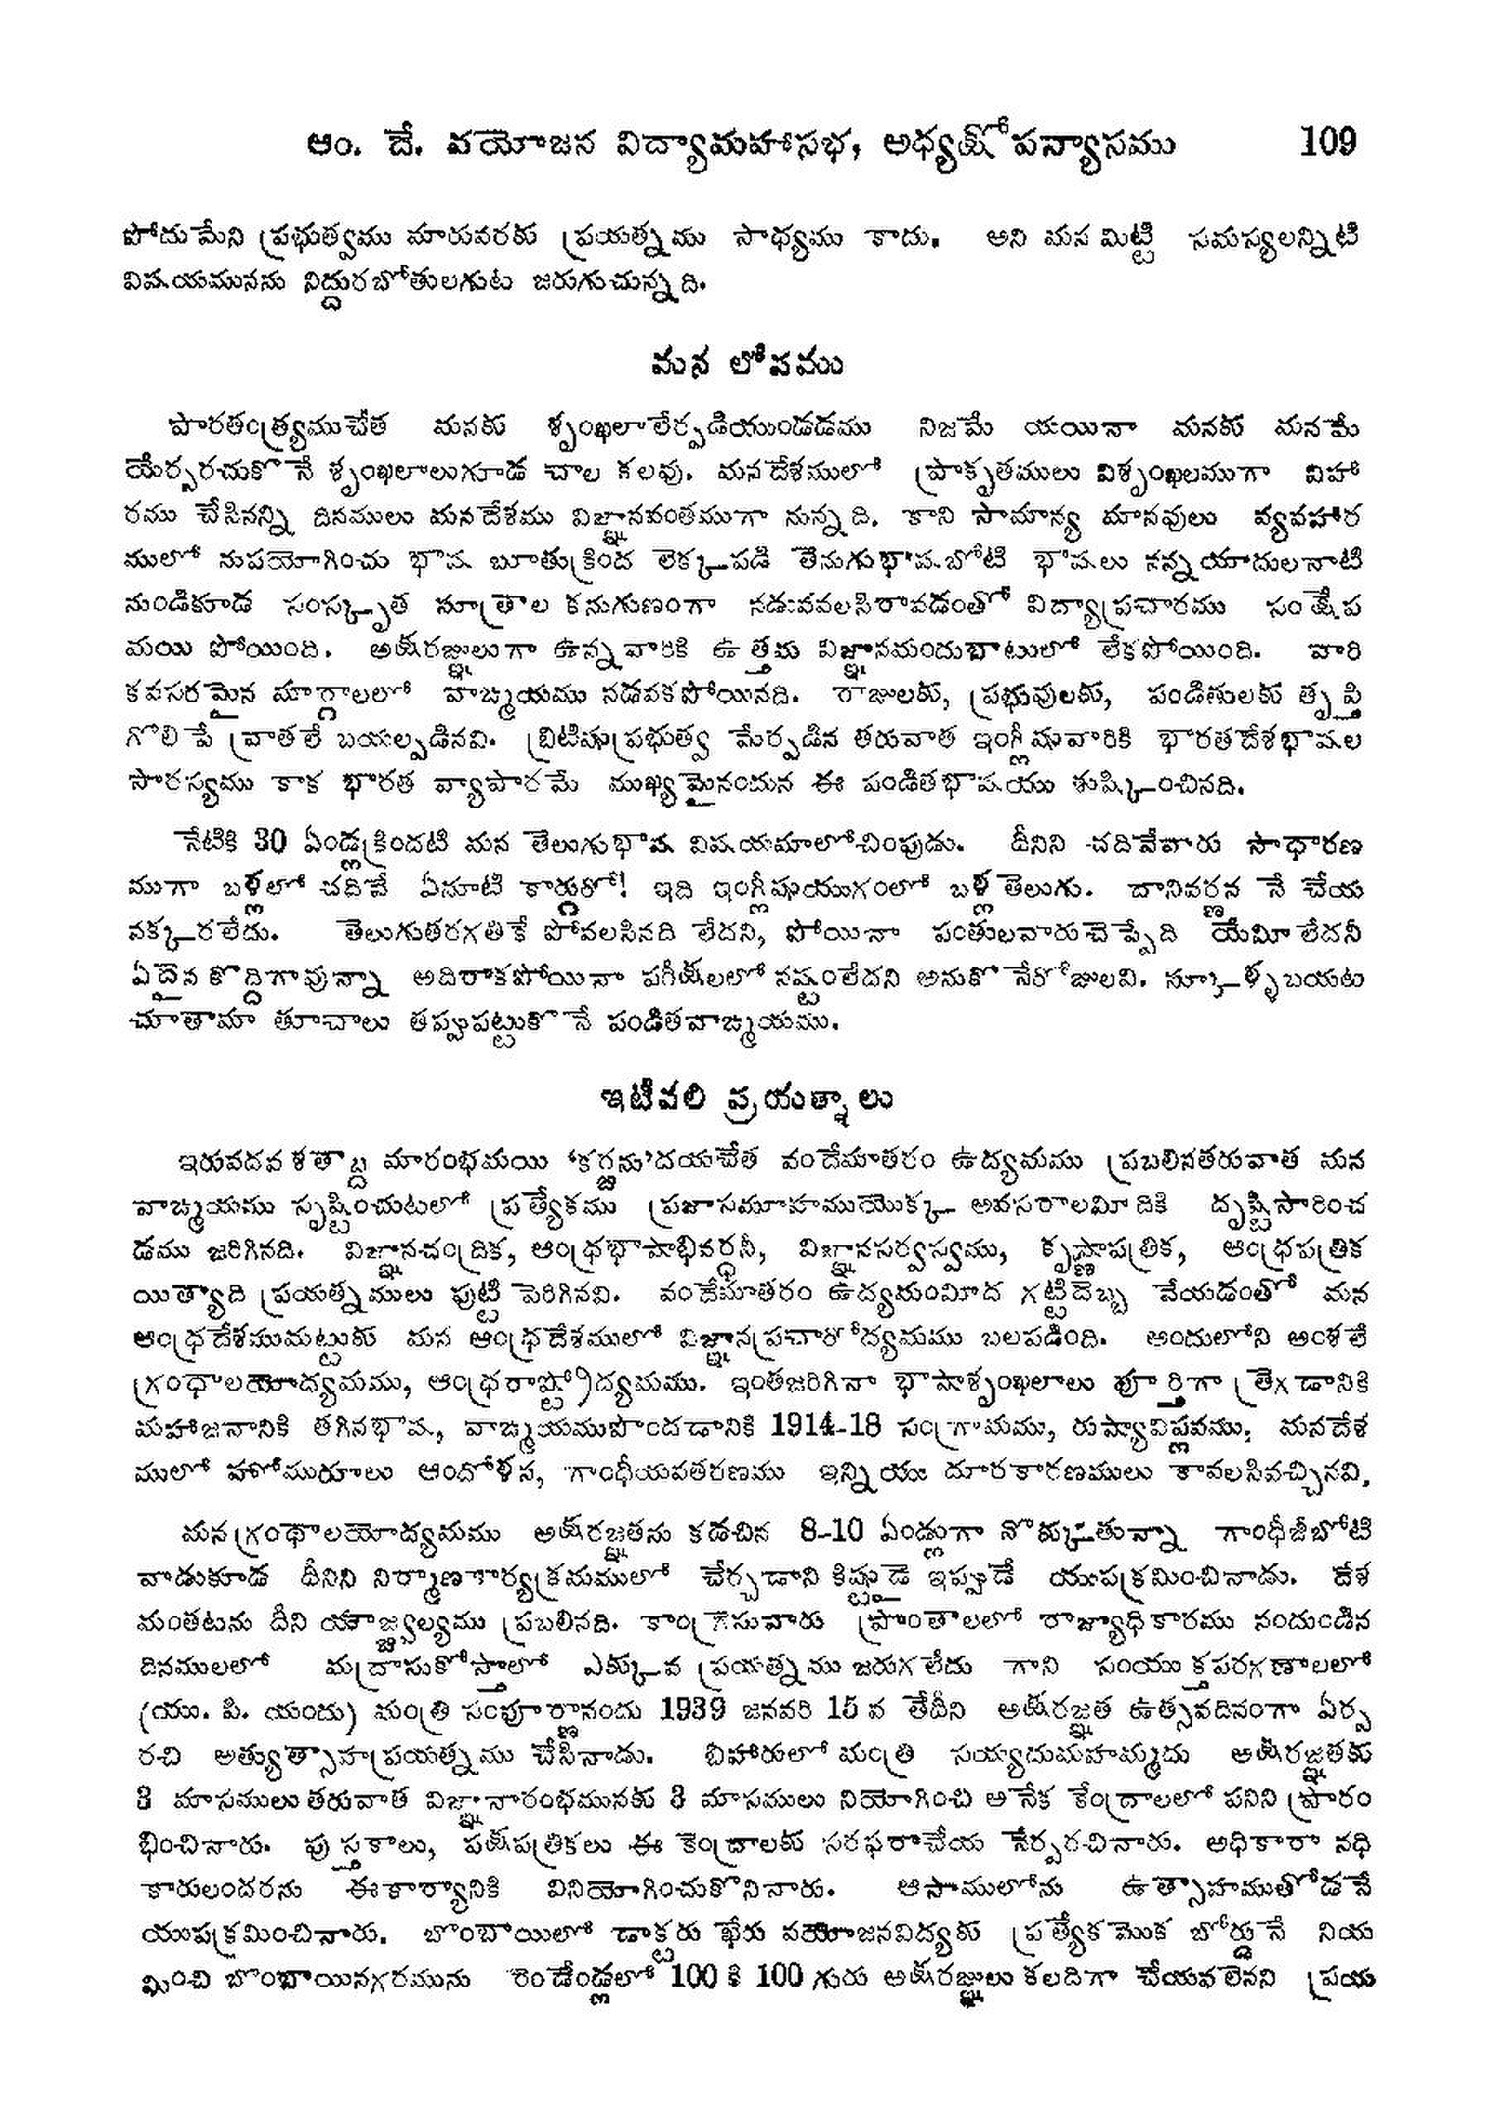పోదుమేని ప్రభుత్వము మారువరకు ప్రయత్నము సాధ్యము కాదు. అని మసమిట్టి సమస్యలన్నిటి విషయమునను 
నిద్దురబోతులగుట జరుగుచున్నది.

పరతంత్యము చేత మనకు శృంఖలాలేర్పడియుండడము నిజమే యయినా మనకు మనమే యేర్పరచుకొనే శృంఖలాలు గూడ 
చాల కలవు. మనదేశములో ప్రాకృతములు విశృంఖలముగా విహారము చేసినన్ని దినములు మనదేశము విజ్ఞానవంతముగా 
నున్నది. కాని సామాన్య మానవులు వ్యవహారములో నుపయోగించు భాష బూతు క్రింద లెక్క పడి తెనుగుభాషబోటి భాషలు 
నన్నయాదులనాటి నుండికూడ సంస్కృత సూత్రాల కనుగుణంగా నడువవలసిరావడంతో విద్యాప్రచారము సంక్షేపమయి 
పోయింది. అక్షరజ్ఞులుగా ఉన్నవారికి ఉత్తమ విజ్ఞానమందుబాటులో లేకపోయింది. వారికవసరమైన మార్గాలలో వాఙ్మయము నడవకపోయినది. రాజులకు, ప్రభువులకు, పండితులకు తృప్తిగోలిపే వ్రాతలే బయల్పడినవి. బ్రిటిషు ప్రభుత్వ మేర్పడిన 
తరువాత ఇంగ్లీషువారికి భారతదేశభాషల సారస్యము కాక భారత వ్యాపారమే ముఖ్యమైనందున ఈ పండిత భాషయు 
శుష్కించినది.

నేటికి 30 ఏండ్ల క్రిందటి మన తెలుగుభాషా విషయమాలోచింపుడు. దీనిని చదివేవారు సాధారణముగా బళ్లలో చదివే ఏనూటి 
కార్గరో! ఇది ఇంగ్లీషుయుగంలో బళ్లతెలుగు. దానివర్ణననే చేయనక్కరలేదు. తెలుగుతరగతికే పోవలసినది లేదని, పోయినా 
పంతుల వారు చెప్పేది యేమీలేదనీ ఏదైన కొద్దిగావున్నా అది రాకపోయినా పరీక్షలలో నష్టంలేదని అనుకోనేరోజులని, 
స్కూళ్ళబయట చూతామా తూచాలు తప్పుపట్టుకొనే పండిత వాఙ్మయము.

ఇరువదవ శతాబ్దమారంభమయి 'కర్ణమ' దయచేత వందేమాతరం ఉద్యమము ప్రబలినతరువాత మన వాఙ్మయము 
సృష్టించుటలో ప్రత్యేకము ప్రజాసమూహముయొక్క అవసరాలమీదికి దృష్టిసారించడము జరిగినది. విజ్ఞానచంద్రిక, 
ఆంధ్రభాషాభివర్ధనీ, విజ్ఞానసర్వస్వము, కృష్ణాపత్రిక, ఆంధ్రపత్రిక యిత్యాది ప్రయత్నములు పుట్టి పెరిగినవి. వందేమాతరం
వందేమాతరం ఉద్యమంమీద గట్టిదెబ్బవేయడంతో మన ఆంధ్రదేశముమట్టుకు మన ఆంధ్రదేశములో విజ్ఞాన ప్రచారోద్యమము
బలపడింది. అందులో అంశలే గ్రంధాలయోద్యమము, ఆంధ్రరాష్ట్రాద్యమము. ఇంత జరిగినా భావశృంఖలాలు పూర్తిగా 
తెగడానికి మహాజనానికి తగిన భాష, వాఙ్మయము పొందడానికి 1914-18 సంగ్రామము, రుష్యావిప్లవము, మనదేశములో 
హోమురూలు ఆందోళన, గాంధీయవతరణము ఇన్నియు దూరకారణములు కావలసివచ్చినవి.

మన గ్రంథాలయోద్యమము అక్షరజ్ఞతను కడచిన 8-10 ఏండ్లుగా నొక్కుతున్నా గాంధీజీబోటి వాడు కూడ దీనిని నిర్మాణ 
కార్యక్రమములో చేర్చడాని కిష్టుడై ఇప్పుడే యుపక్రమించినాడు. దేశమంతటను దీని యౌజ్వల్యము ప్రబలినది. కాంగ్రేసువారు 
ప్రాంతాలలో రాజ్యాధి కారము నందుండిన దినములలో మద్రాసుకోస్తాలో ఎక్కువ ప్రయత్నము జరుగలేదు గాని సంయుక్త- 
పరగణాలలో (యు.పి.యందు) మంత్రి సంపూర్ణానందు 1939 జనవరి 15వ తేదీని అక్షరజ్ఞత ఉత్సవదినంగా ఏర్పరచి అత్యుత్సాహప్రయత్నము చేసినాడు. బీహారులో మంత్రి సయ్యదుమహమ్మదు అరజ్ఞతకు 3 మాసములు తరువాత 
విజ్ఞానారంభమునకు 3 మాసములు నియోగించి అనేక కేంద్రాలలో పనిని ప్రారంభించినారు. పుస్తకాలు, పక్షపత్రికలు 
ఈ కేంద్రాలకు సరఫరాచేయ నేర్పరచినారు. అధికారానధికారులందరను ఈ కార్యానికి వినియోగించుకొనినారు. ఆసాములోను ఉత్సాహముతోడనే యుపక్రమించినారు. బొంబాయిలో డాక్టరు భేరు వయోజన విద్యకు ప్రత్యేకమొక బోర్డునే నియమించి 
బొంబాయి నగరమును రెండేండ్లలో 100 కి 100 గురు అక్షరజ్ఞులు కలదిగా చేయవలెనని ప్రయ